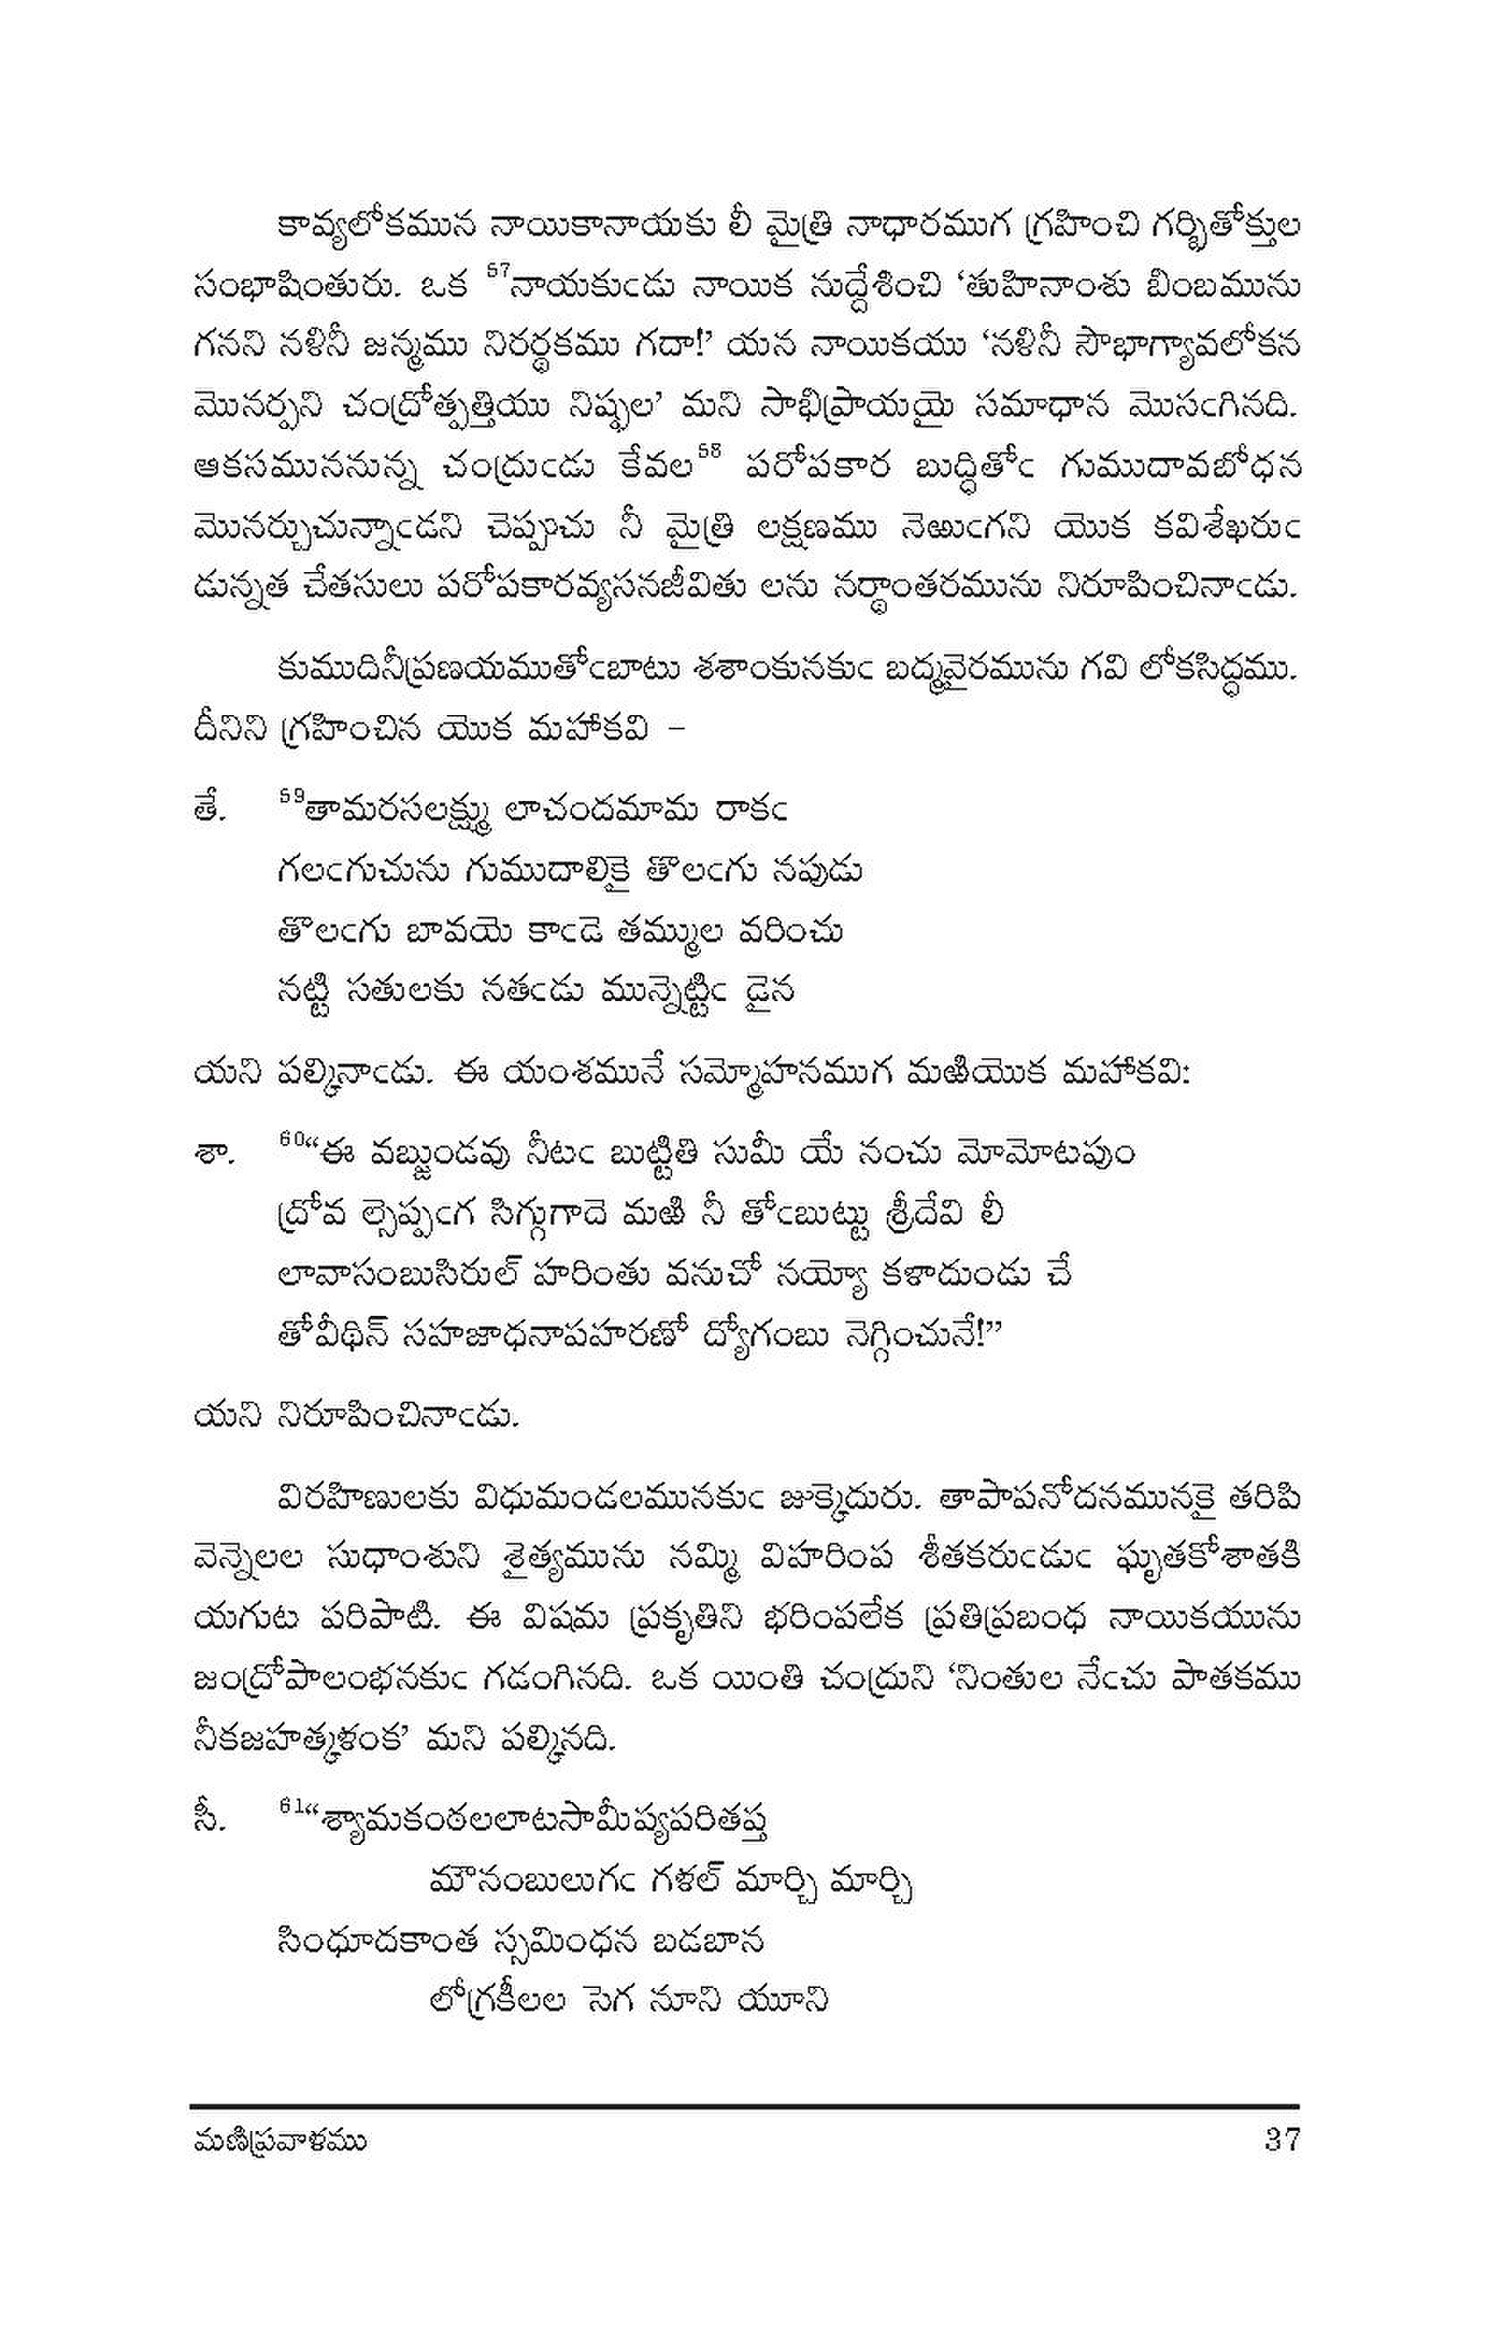కావ్యలోకమున నాయికానాయకు లీ మైత్రి నాధారముగ గ్రహించి గర్భితోక్తుల
సంభాషింతురు. ఒక “నాయకుఁడు నాయిక నుద్దేశించి 'తుహినాంశు బింబమును
గనని నళినీ జన్మము నిరర్థకము గదా!' యన నాయికయు 'నళినీ సౌభాగ్యావలోకన
మొనర్పని చంద్రోత్పత్తియు నిష్ఫల' మని సాభిప్రాయయై సమాధాన మొసఁగినది.
ఆకసముననున్న చంద్రుఁడు కేవల పరోపకార బుద్ధితోఁ గుముదావబోధన
మొనర్చుచున్నాఁడని చెప్పుచు నీ మైత్రి లక్షణము నెఱుఁగని యొక కవిశేఖరుఁ
డున్నత చేతసులు పరోపకారవ్యసనజీవితు లను నర్థాంతరమును నిరూపించినాఁడు.

కుముదినీప్రణయముతోఁబాటు శశాంకునకుఁ బద్మవైరమును గవి లోకసిద్ధము.
దీనిని గ్రహించిన యొక మహాకవి -

తే. తామరసలక్ష్ము లాచందమామ రాకఁ
 గలఁగుచును గుముదాలికై తొలఁగు నపుడు
 తొలఁగు బావయె కాఁడె తమ్ముల వరించు
 నట్టి సతులకు నతఁడు మున్నెట్టిఁ డైన

యని పల్కినాఁడు. ఈ యంశమునే సమ్మోహనముగ మఱియొక మహాకవి:

శా. ఈ వబ్జుండవు నీటఁ బుట్టితి సుమీ యే నంచు మోమోటపుం
 ద్రోవ ల్సెప్పఁగ సిగ్గుగాదె మఱి నీ తోఁబుట్టు శ్రీదేవి లీ
 లావాసంబుసిరుల్ హరింతు వనుచో నయ్యో కళాదుండు చే
 తోవీథిన్ సహజాధనాపహరణోద్యోగంబు నెగ్గించునే!”

యని నిరూపించినాఁడు.

విరహిణులకు విధుమండలమునకుఁ జుక్కెదురు. తాపాపనోదనమునకై తరిపి
వెన్నెలల సుధాంశుని శైత్యమును నమ్మి విహరింప శీతకరుఁడుఁ ఘృతకోశాతకి
యగుట పరిపాటి. ఈ విషమ ప్రకృతిని భరింపలేక ప్రతిప్రబంధ నాయికయును
జంద్రోపాలంభనకుఁ గడంగినది. ఒక యింతి చంద్రుని 'నింతుల నేఁచు పాతకము
నీకజహత్కళంక' మని పల్కినది.

సీ. "శ్యామకంఠలలాటసామీప్యపరితప్త
 మౌనంబులుగఁ గళల్ మార్చి మార్చి
 సింధూదకాంత స్సమింధన బడబాన
 లోగ్రకీలల సెగ నూని యూని